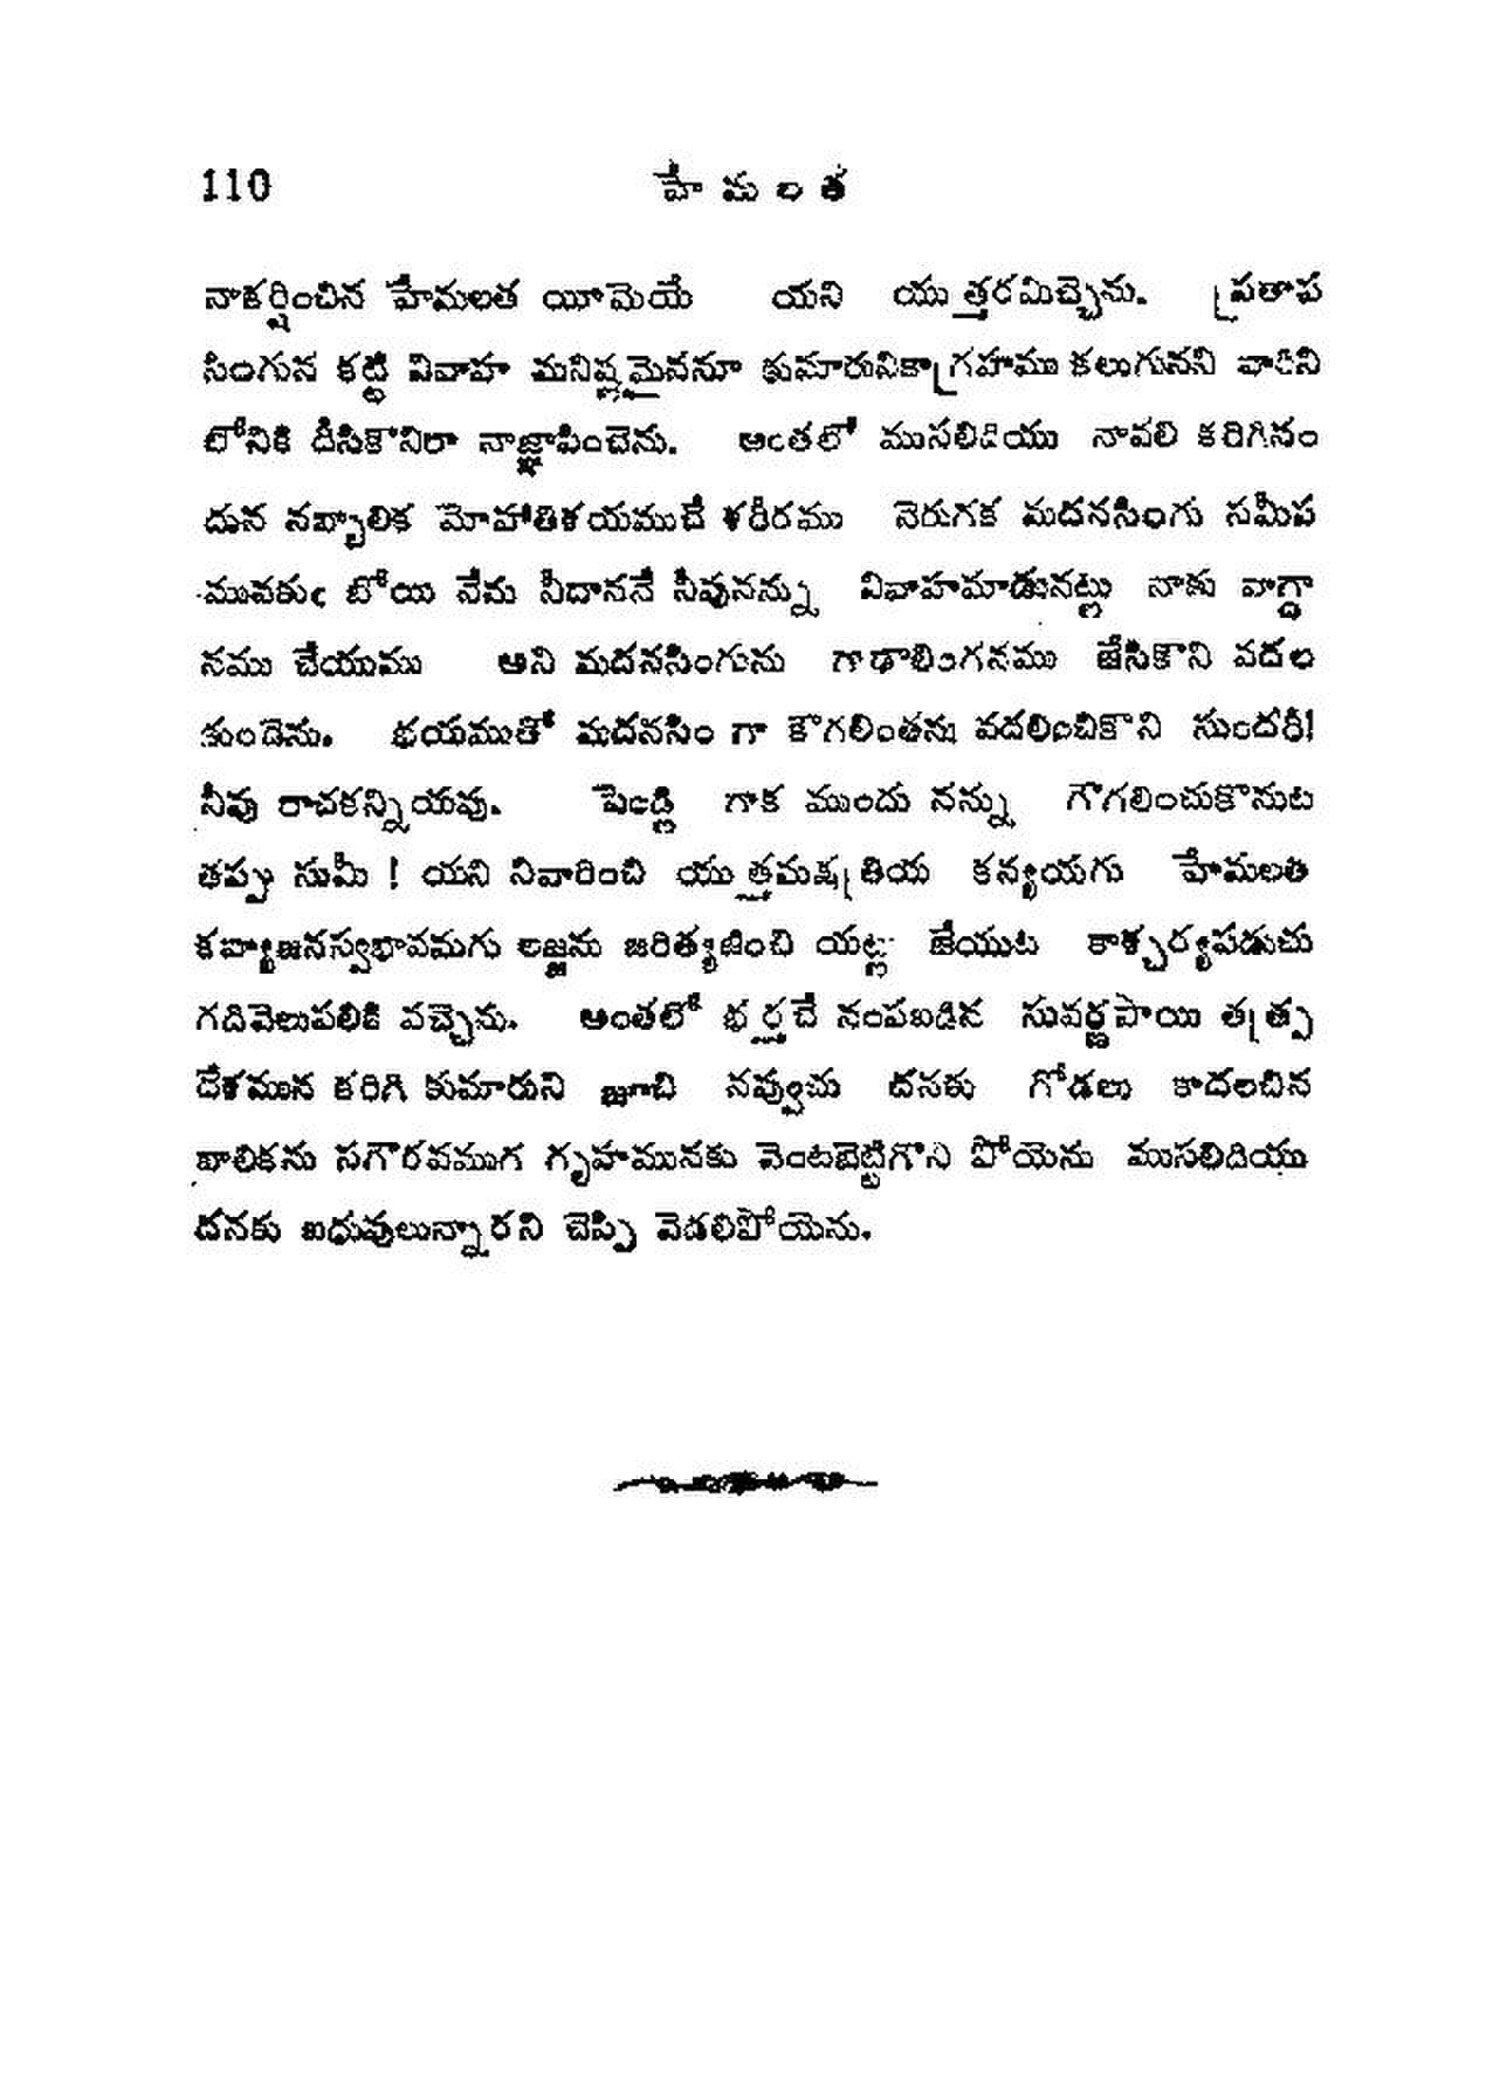నాకర్షించిన హేమలత యీమెయే యని యుత్తరమిచ్చెను. ప్రతాపసింగున కట్టి వివాహ మనిష్టమైననూ కుమారునికాగ్రహము కలుగునని వారిని లోనికి దీసికొనిరా నాజ్ఞాపించెను. అంతలో ముసలిదియు నావలి కరిగినందున నబ్బాలిక మోహాతిశయముచే శరీరము నెరుగక మదనసింగు సమీపమునకుఁ బోయి నేను నీదాననే నీవునన్ను వివాహమాడునట్లు నాకు వాగ్దానము చేయుము అని మదనసింగును గాఢాలింగనము జేసికొని వదలకుండెను. భయముతో మదనసింగా కౌగిలింతను వదలించుకొని సుందరీ! నీవురాచకన్నియవు. పెండ్లి గాక ముందు నన్ను గౌగలించుకొనుట తప్పు సుమీ! యని విచారించి యుత్తమక్షత్రియ కన్యయగు హేమలత కన్యాజన స్వభావమగు లజ్జను బరిత్యజించి యట్ల జేయుట కాశ్చర్యపడుచు గదివెలుపలకి వచ్చెను. అంతలో భర్తచే నంపబడిన సువర్ణపాయి తత్ప్రదేశమున కరిగి కుమారుని జూచి నవ్వుచు దనకు గోడలు కాదలచిన బాలికను సగౌరవముగ గృహమునకు వెంటబెట్టగొనిపోయెను. ముసలిదియు దనకు బంధువులున్నారని చెప్పి వెడలిపోయెను.